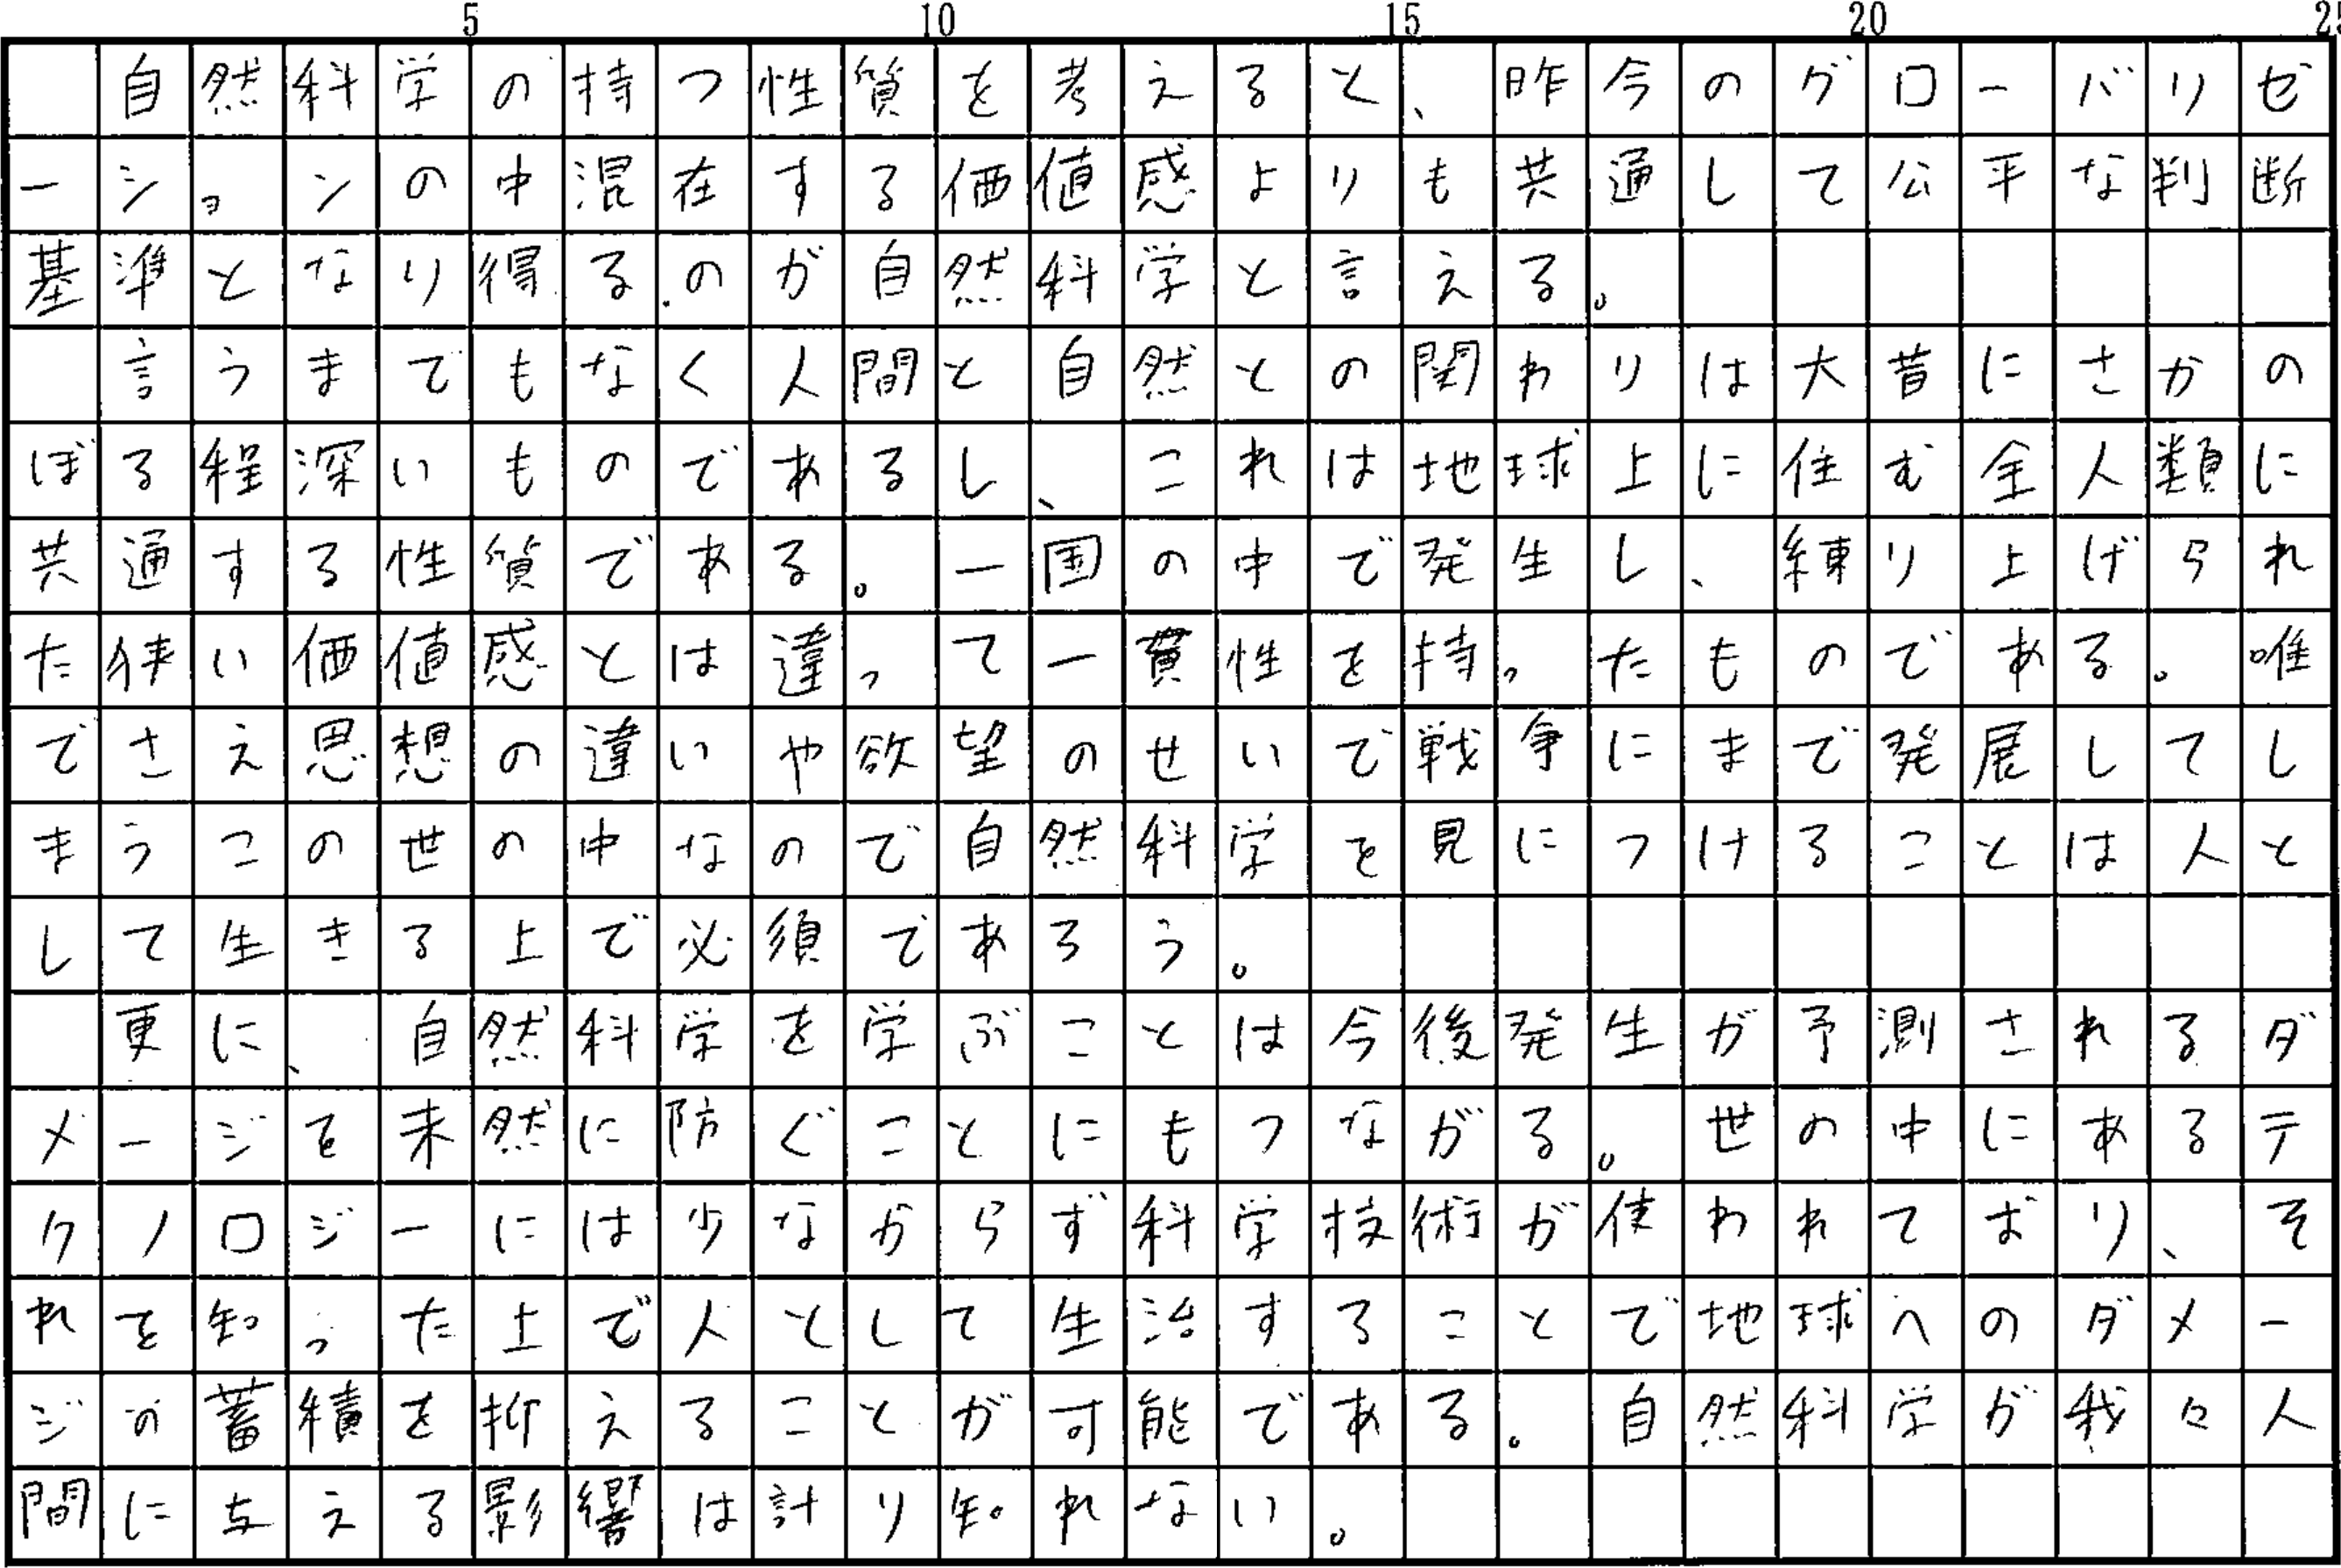　自然科学の持つ性質を考えると、昨今のグローバリゼーションの中混在する価値感よりも共通して公平な判断基準となり得るのが自然科学と言える。
　言うまでもなく人間と自然との関わりは大昔にさかのぼる程深いものであるし、これは地球上に住む全人類に共通する性質である。一国の中で発生し、練り上げられた狭い価値感とは違って一貫性を持ったものである。唯でさえ思想の違いや欲望のせいで戦争にまで発展してしまうこの世の中なので自然科学を見につけることは人として生きる上で必須であろう。
　更に、自然科学を学ぶことは今後発生が予測されるダメージを未然に防ぐことにもつながる。世の中にあるテクノロジーには少なからず科学技術が使われており、それを知った上で人として生活することで地球へのダメージの蓄積を抑えることが可能である。自然科学が我々人間に与える影響は計り知れない。
